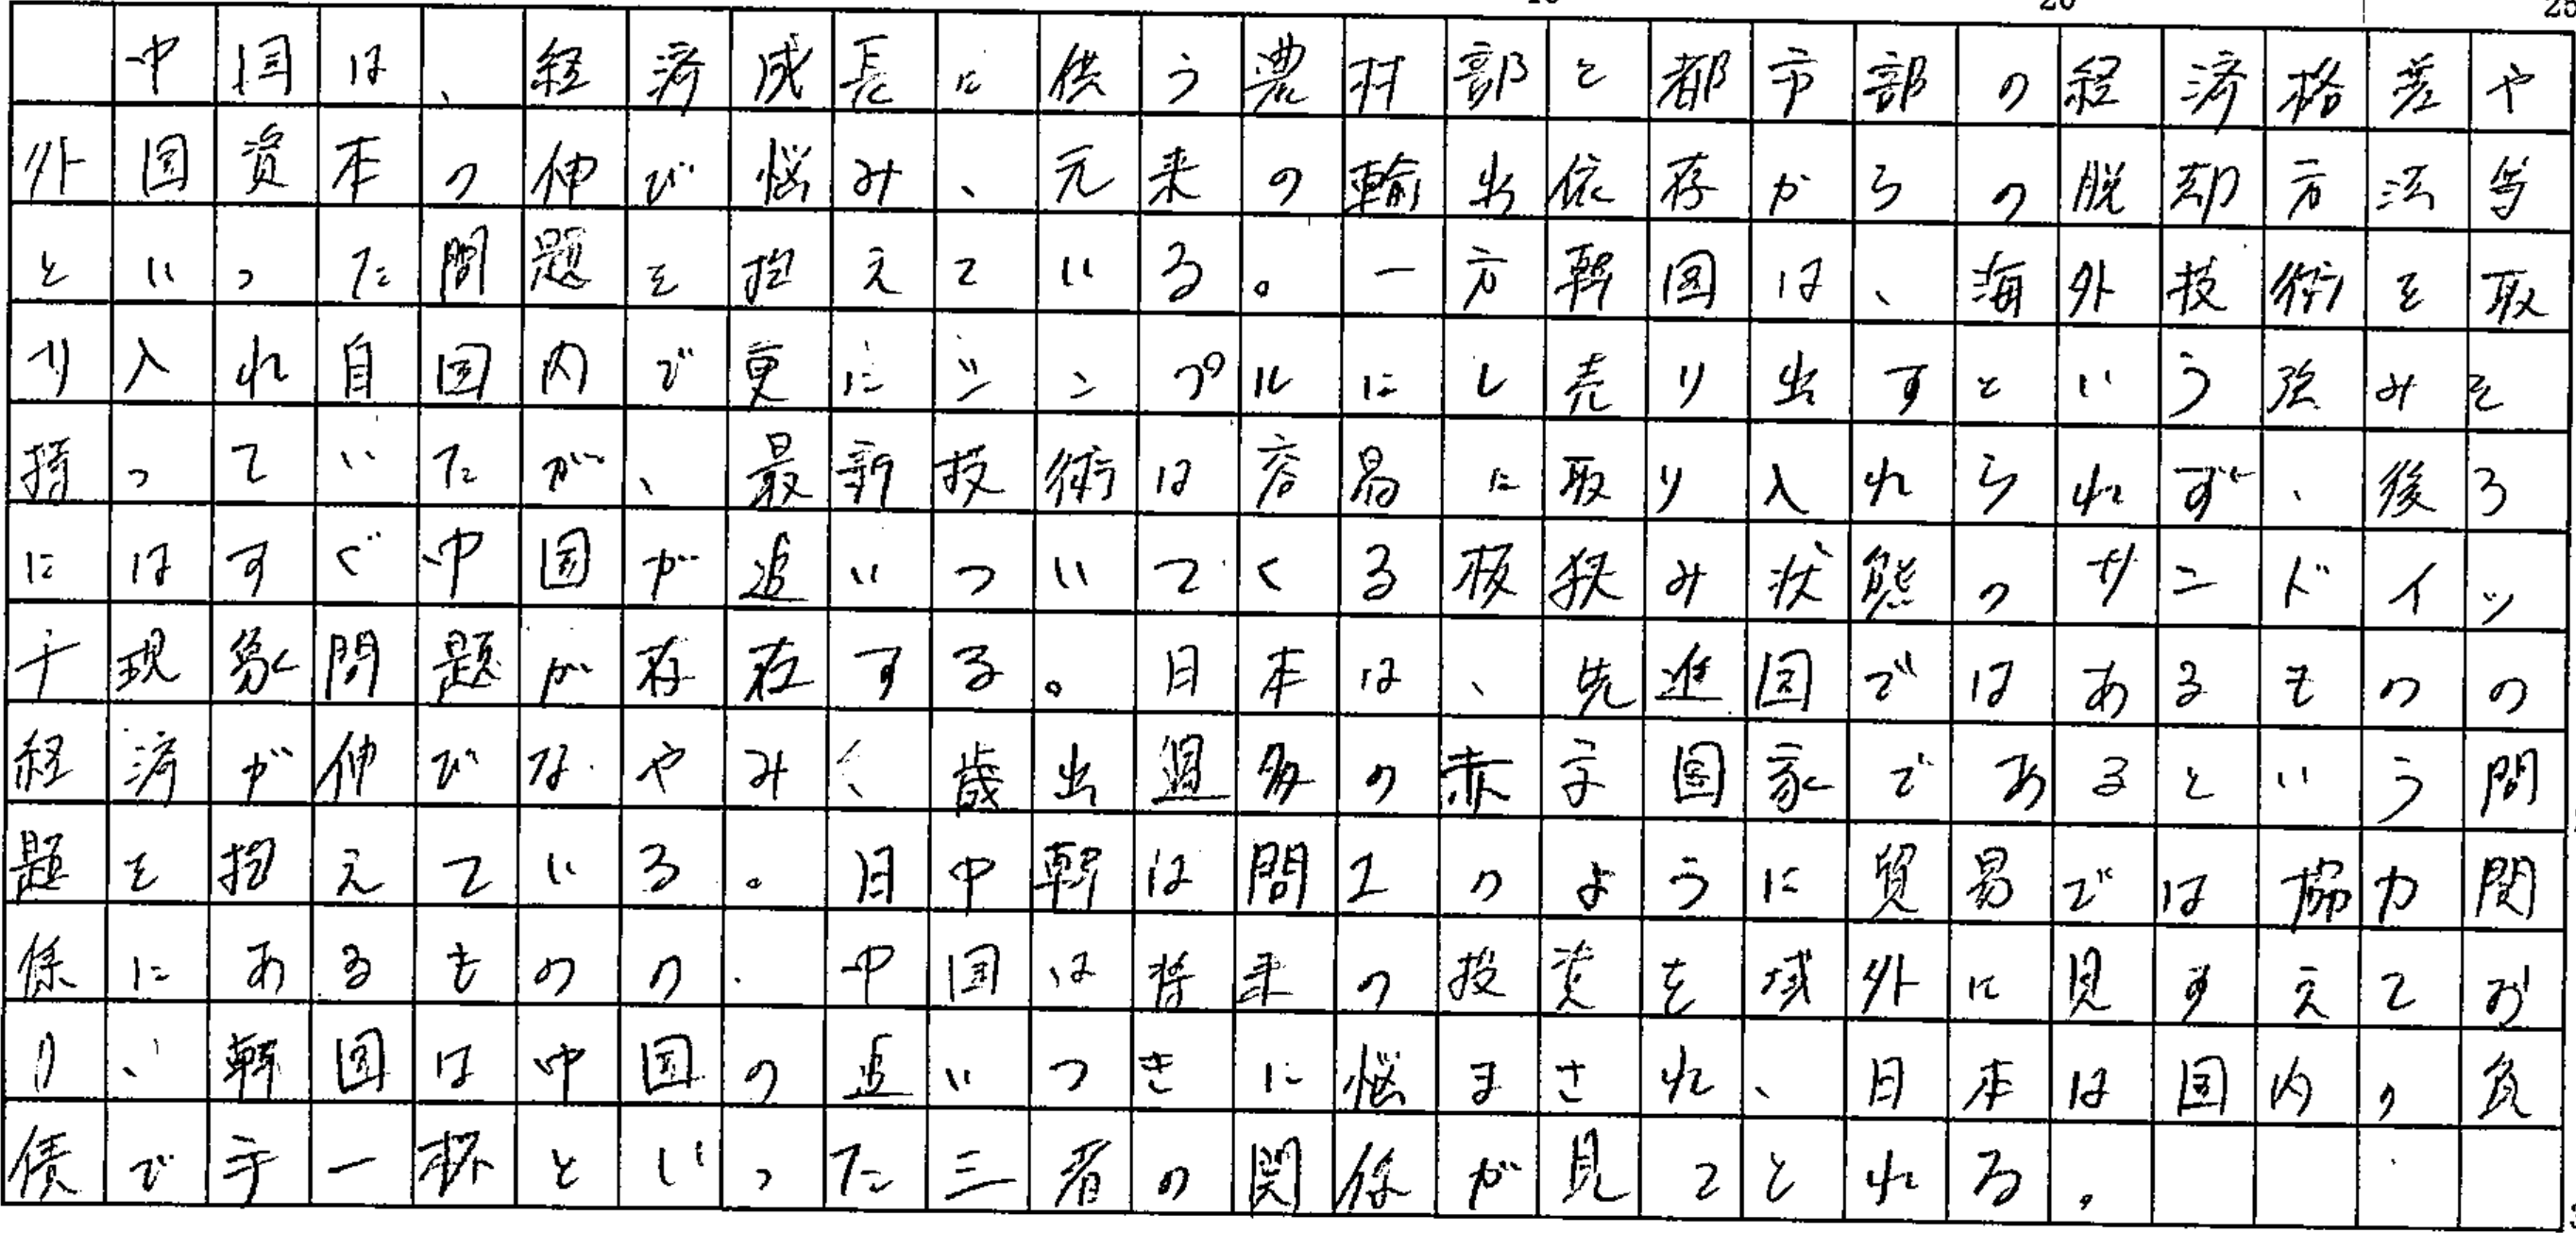　中国は、経済成長に供う農村部と都市部の経済格差や外国資本の伸び悩み、元来の輸出依存からの脱却方法等といった問題を抱えている。一方韓国は、海外技術を取り入れ自国内で更にシンプルにし売り出すという強みを持っていたが、最新技術は容易に取り入れられず、後ろにはすぐ中国が追いついてくる板狭み状態のサンドイッチ現象問題が存在する。日本は、先進国ではあるものの経済が伸びなやみ、歳出過多の赤字国家であるという問題を抱えている。日中韓は問１のように貿易では協力関係にあるものの、中国は将来の投資を域外に見すえており、韓国は中国の追いつきに悩まされ、日本は国内の負債で手一杯といった三者の関係が見てとれる。
